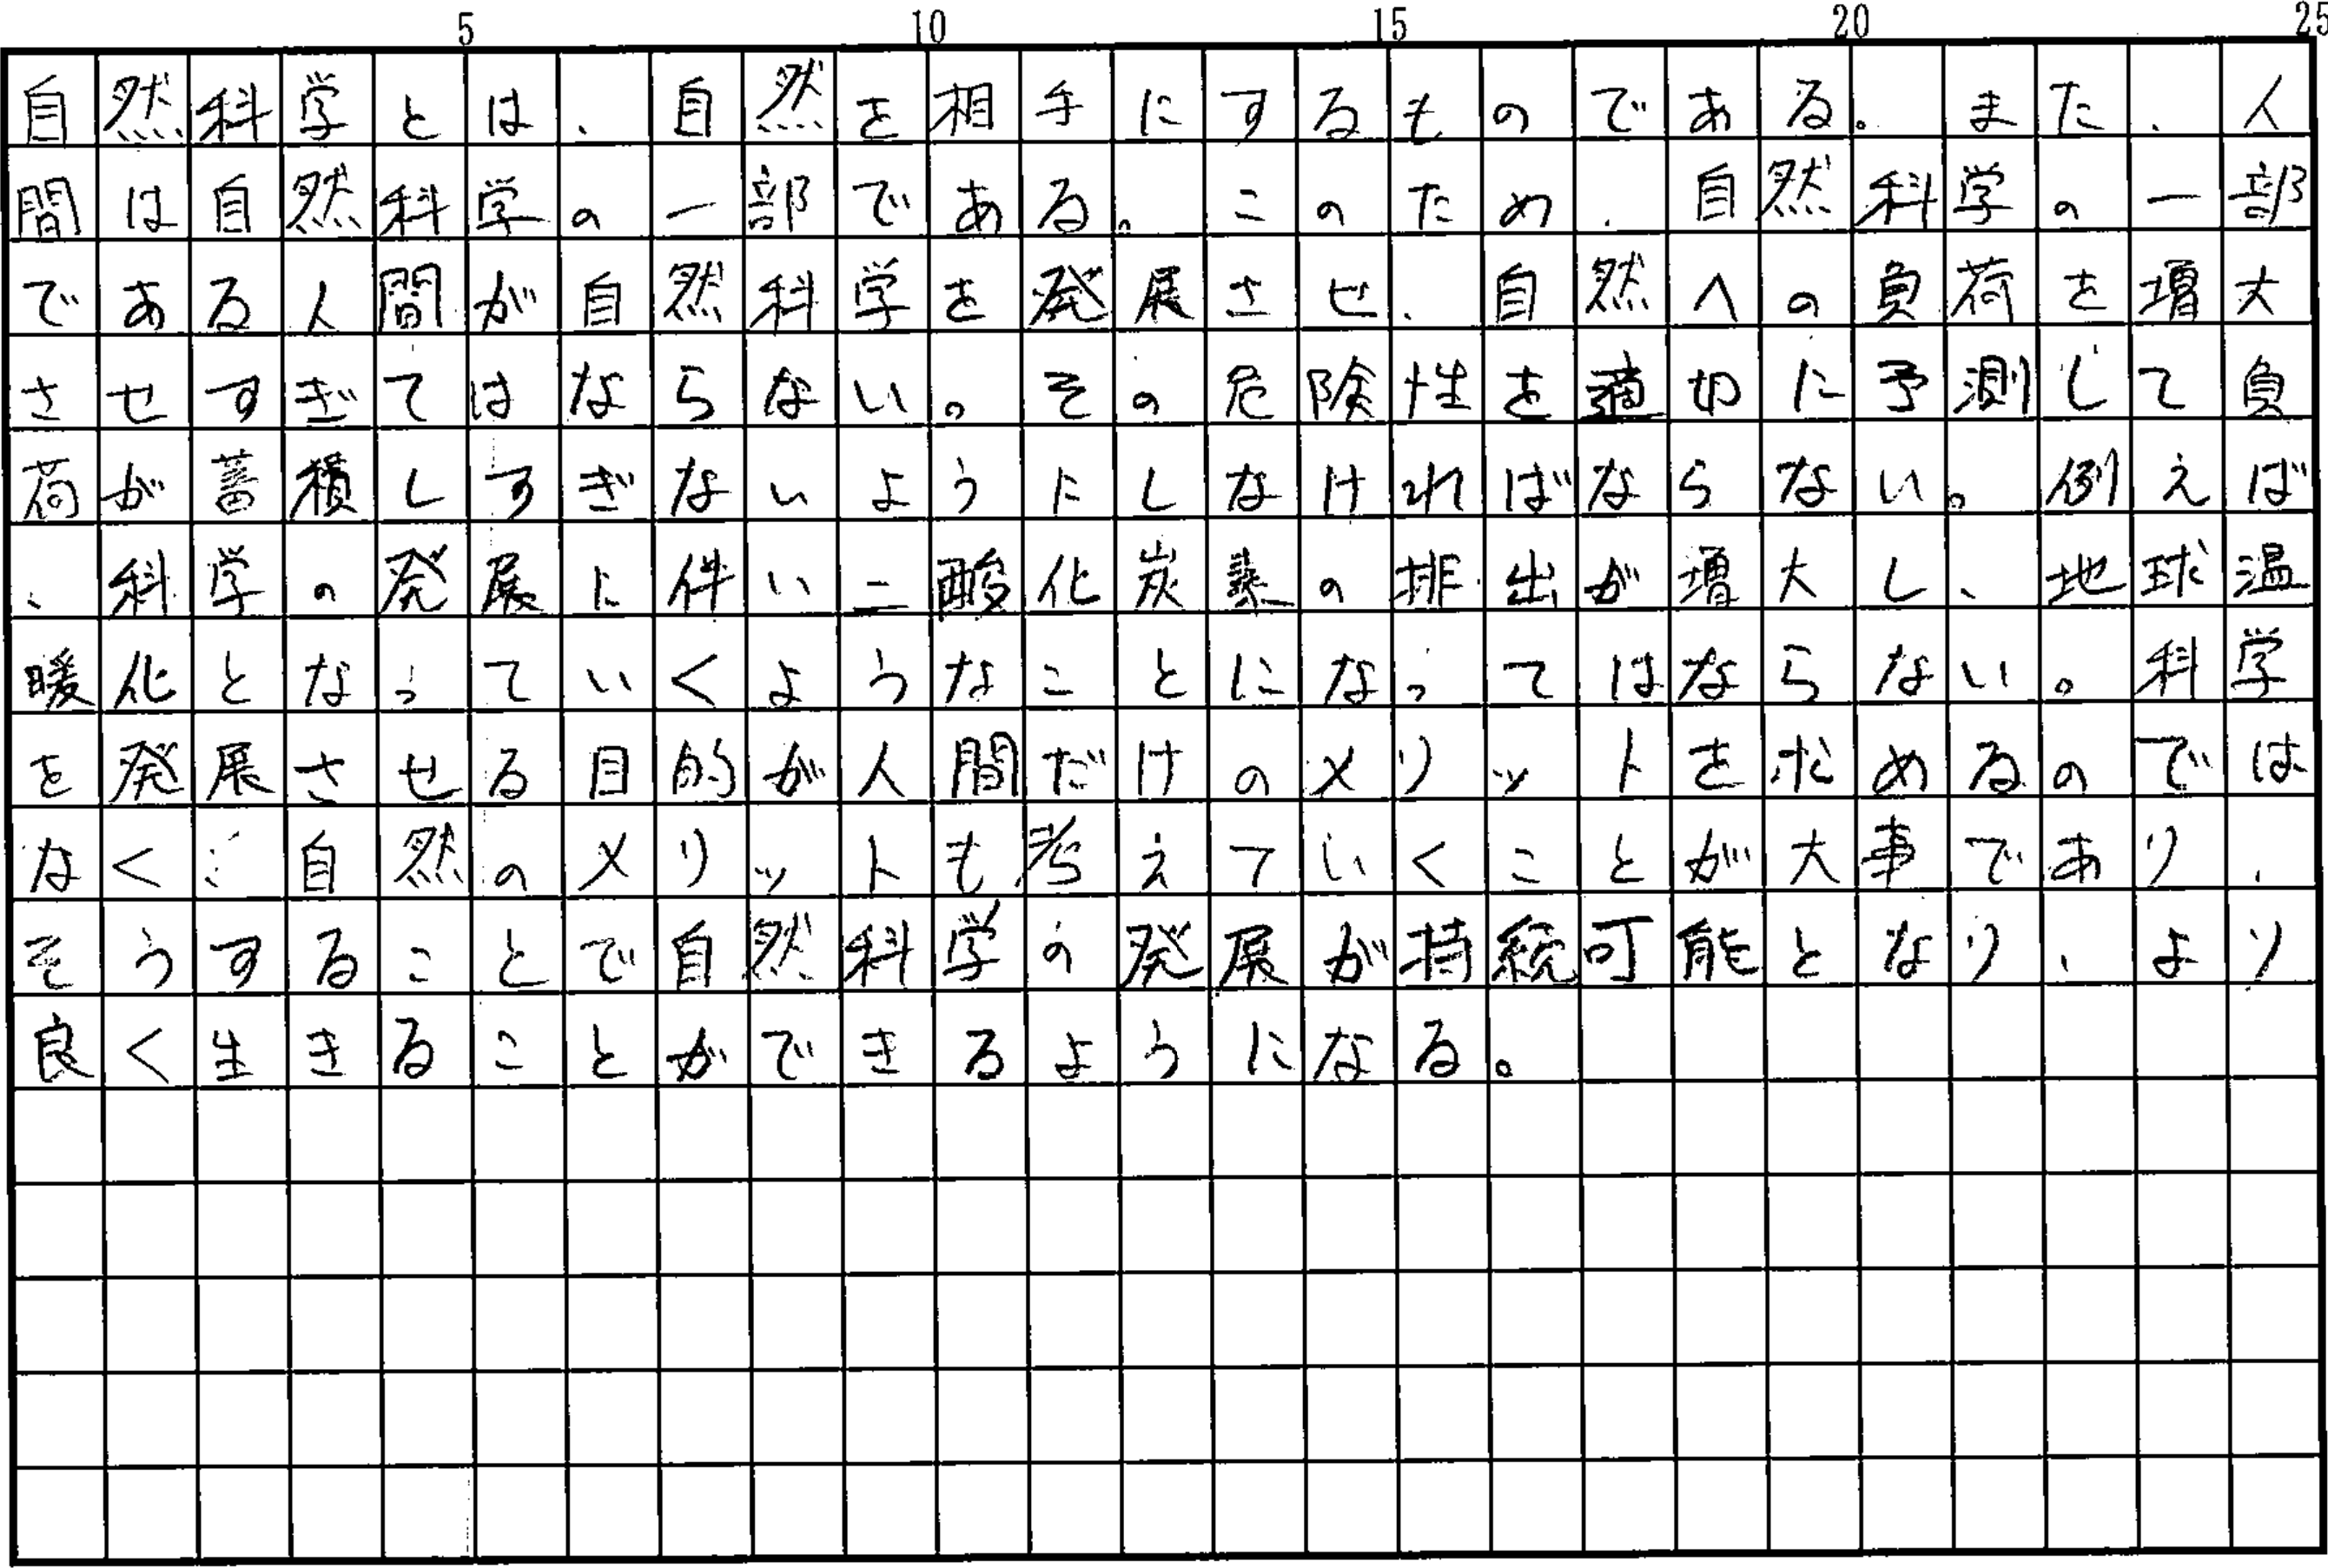自然科学とは、自然を相手にするものである。また、人間は自然科学の一部である。このため、自然科学の一部である人間が自然科学を発展させ、自然への負荷を増大させすぎてはならない。その危険性を適切に予測して負荷が蓄積しすぎないようにしなければならない。例えば、科学の発展に伴い二酸化炭素の排出が増大し、地球温暖化となっていくようなことになってはならない。科学を発展させる目的が人間だけのメリットを求めるのではなく、自然のメリットも考えていくことが大事であり、そうすることで自然科学の発展が持続可能となり、より良く生きることができるようになる。
